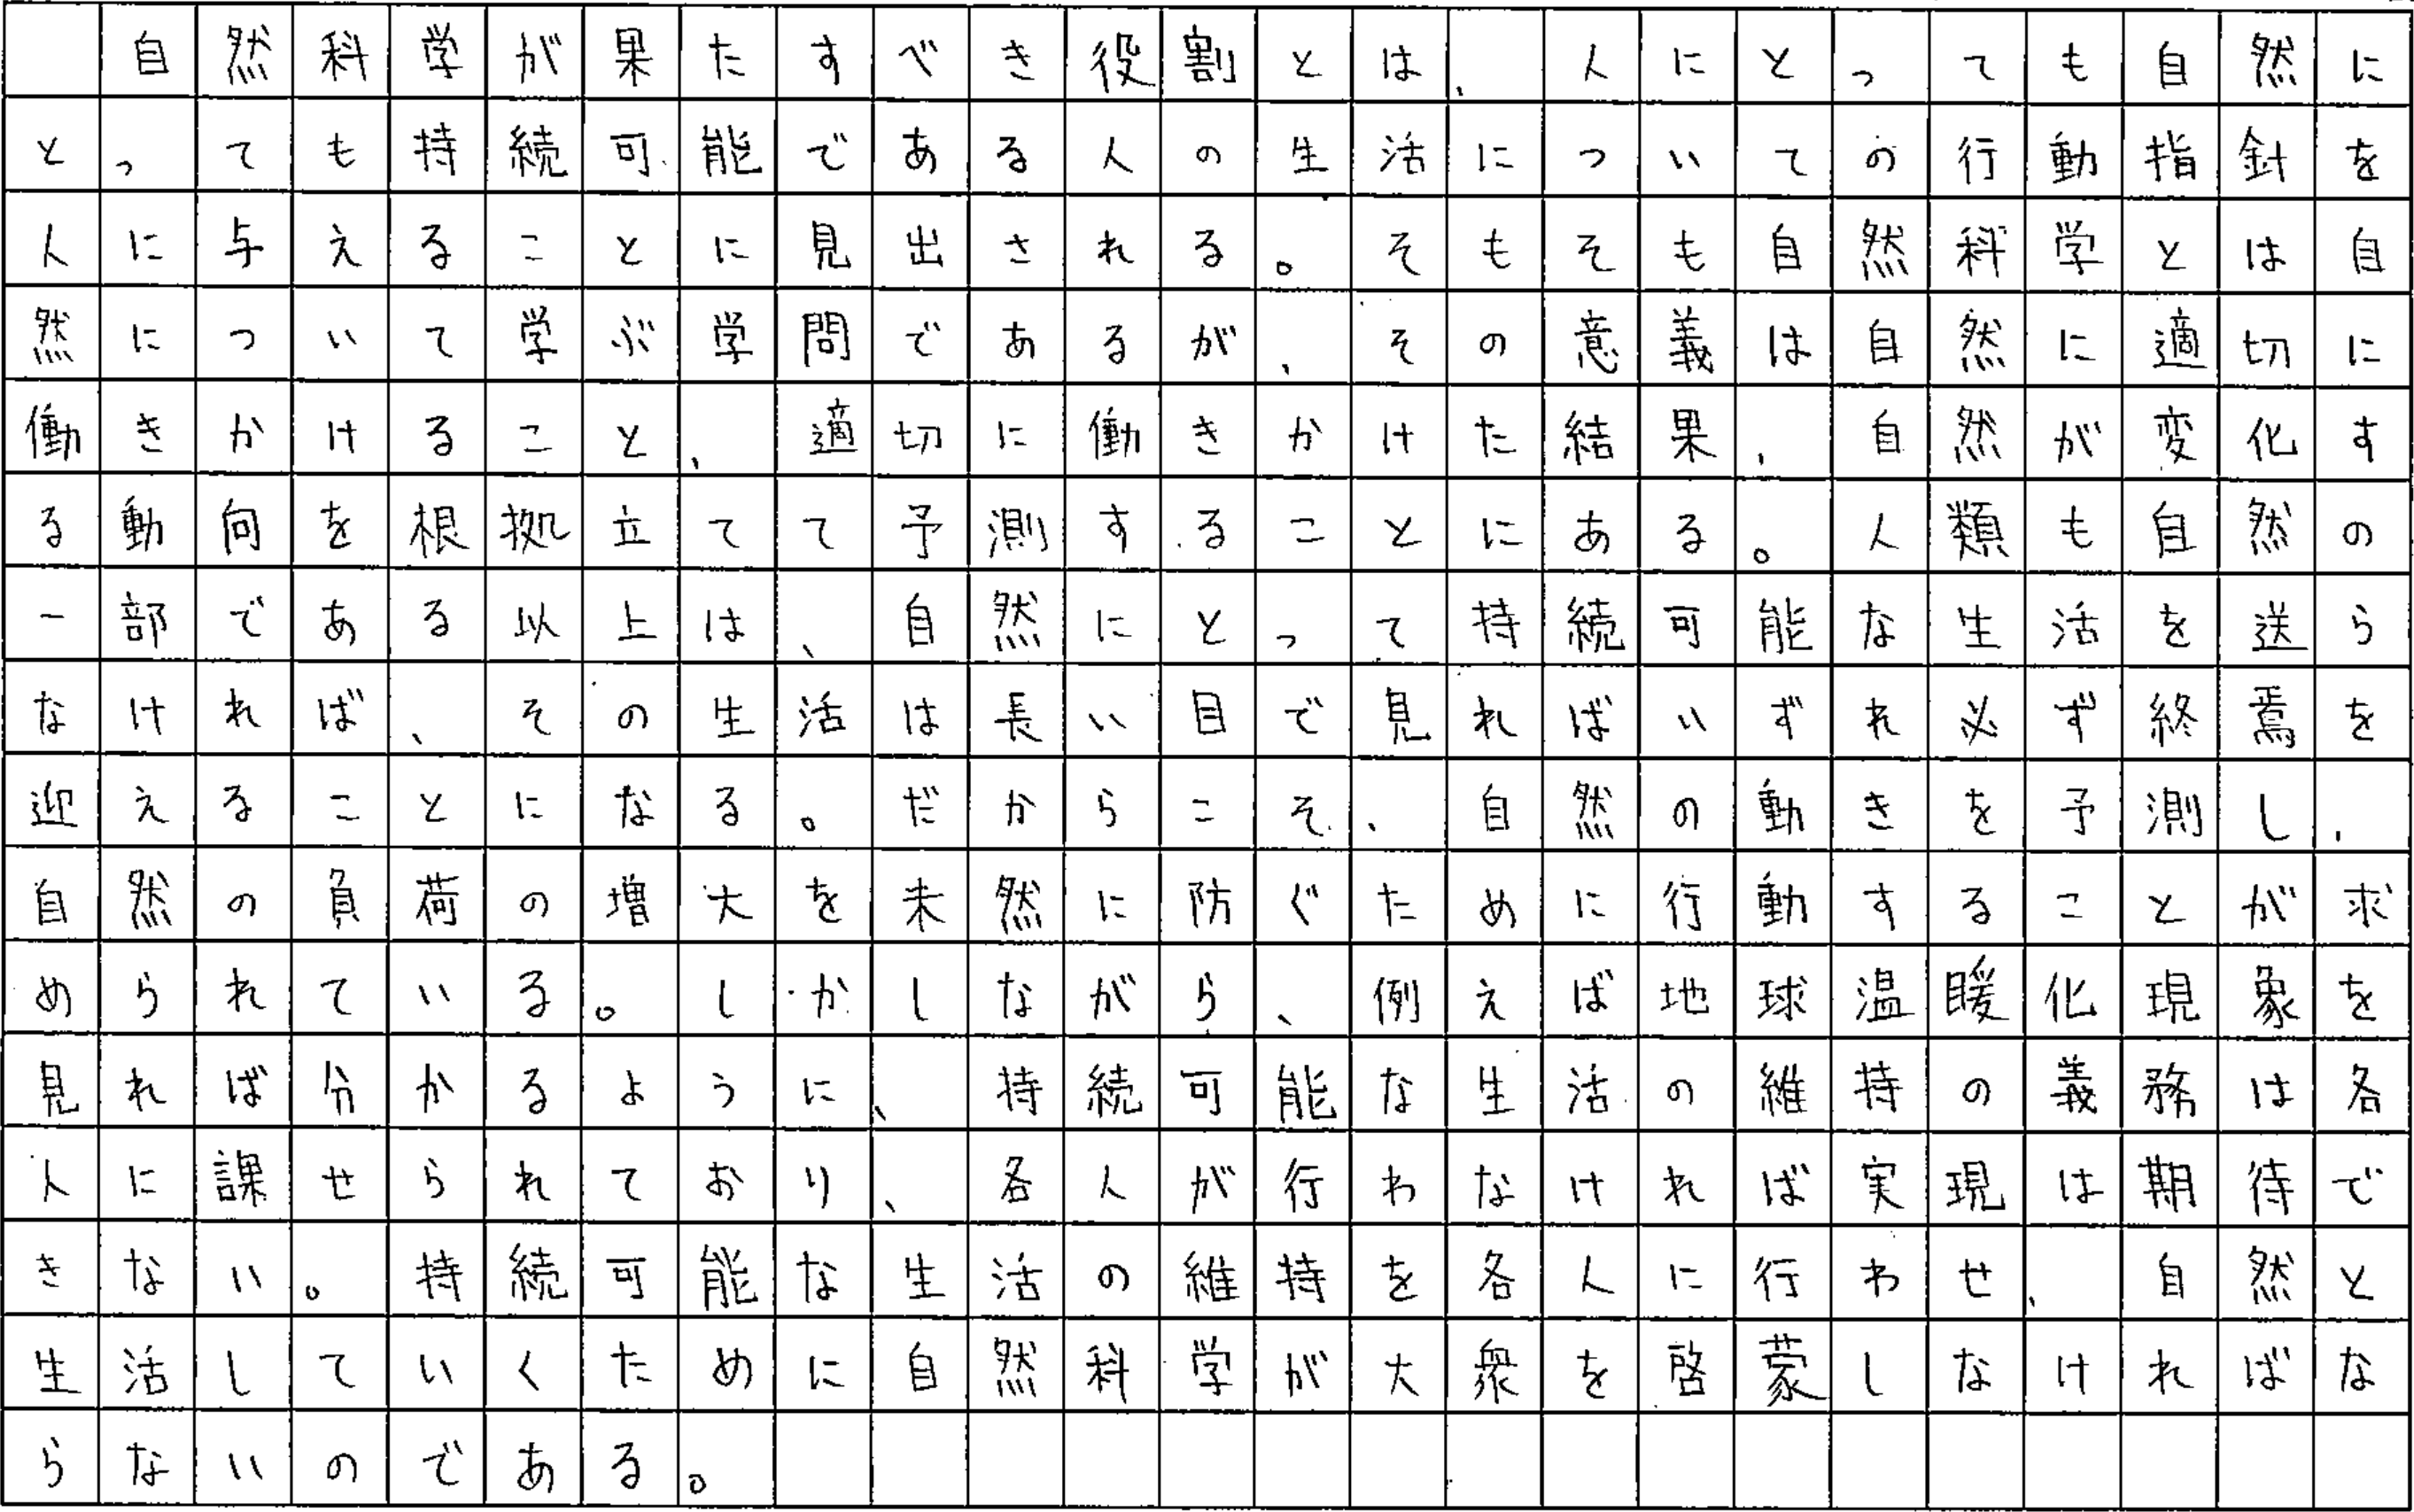　自然科学が果たすべき役割はとは、人にとっても自然にとっても持続可能である人の生活についての行動指針を人に与えることに見出される。そもそも自然科学とは自然について学ぶ学問であるが、その意義とは自然に適切に働きかけること、適切に働きかけた結果、自然が変化する動向を根拠立てて予測することにある。人類も自然の一部である以上は、自然にとって持続可能な生活を送らなければ、その生活は長い目で見ればいずれ必ず終焉を迎えることになる。だからこそ、自然の動きを予測し、自然の負荷の増大を未然に防ぐために行動することが求められている。しかしながら、例えば地球温暖化現象を見れば分かるように、持続可能な生活の維持を各人に行わなければ実現は期待できない。持続可能な生活の維持を各人に行わせ、自然と生活していくために自然科学が大衆を啓蒙しなければならないのである。
